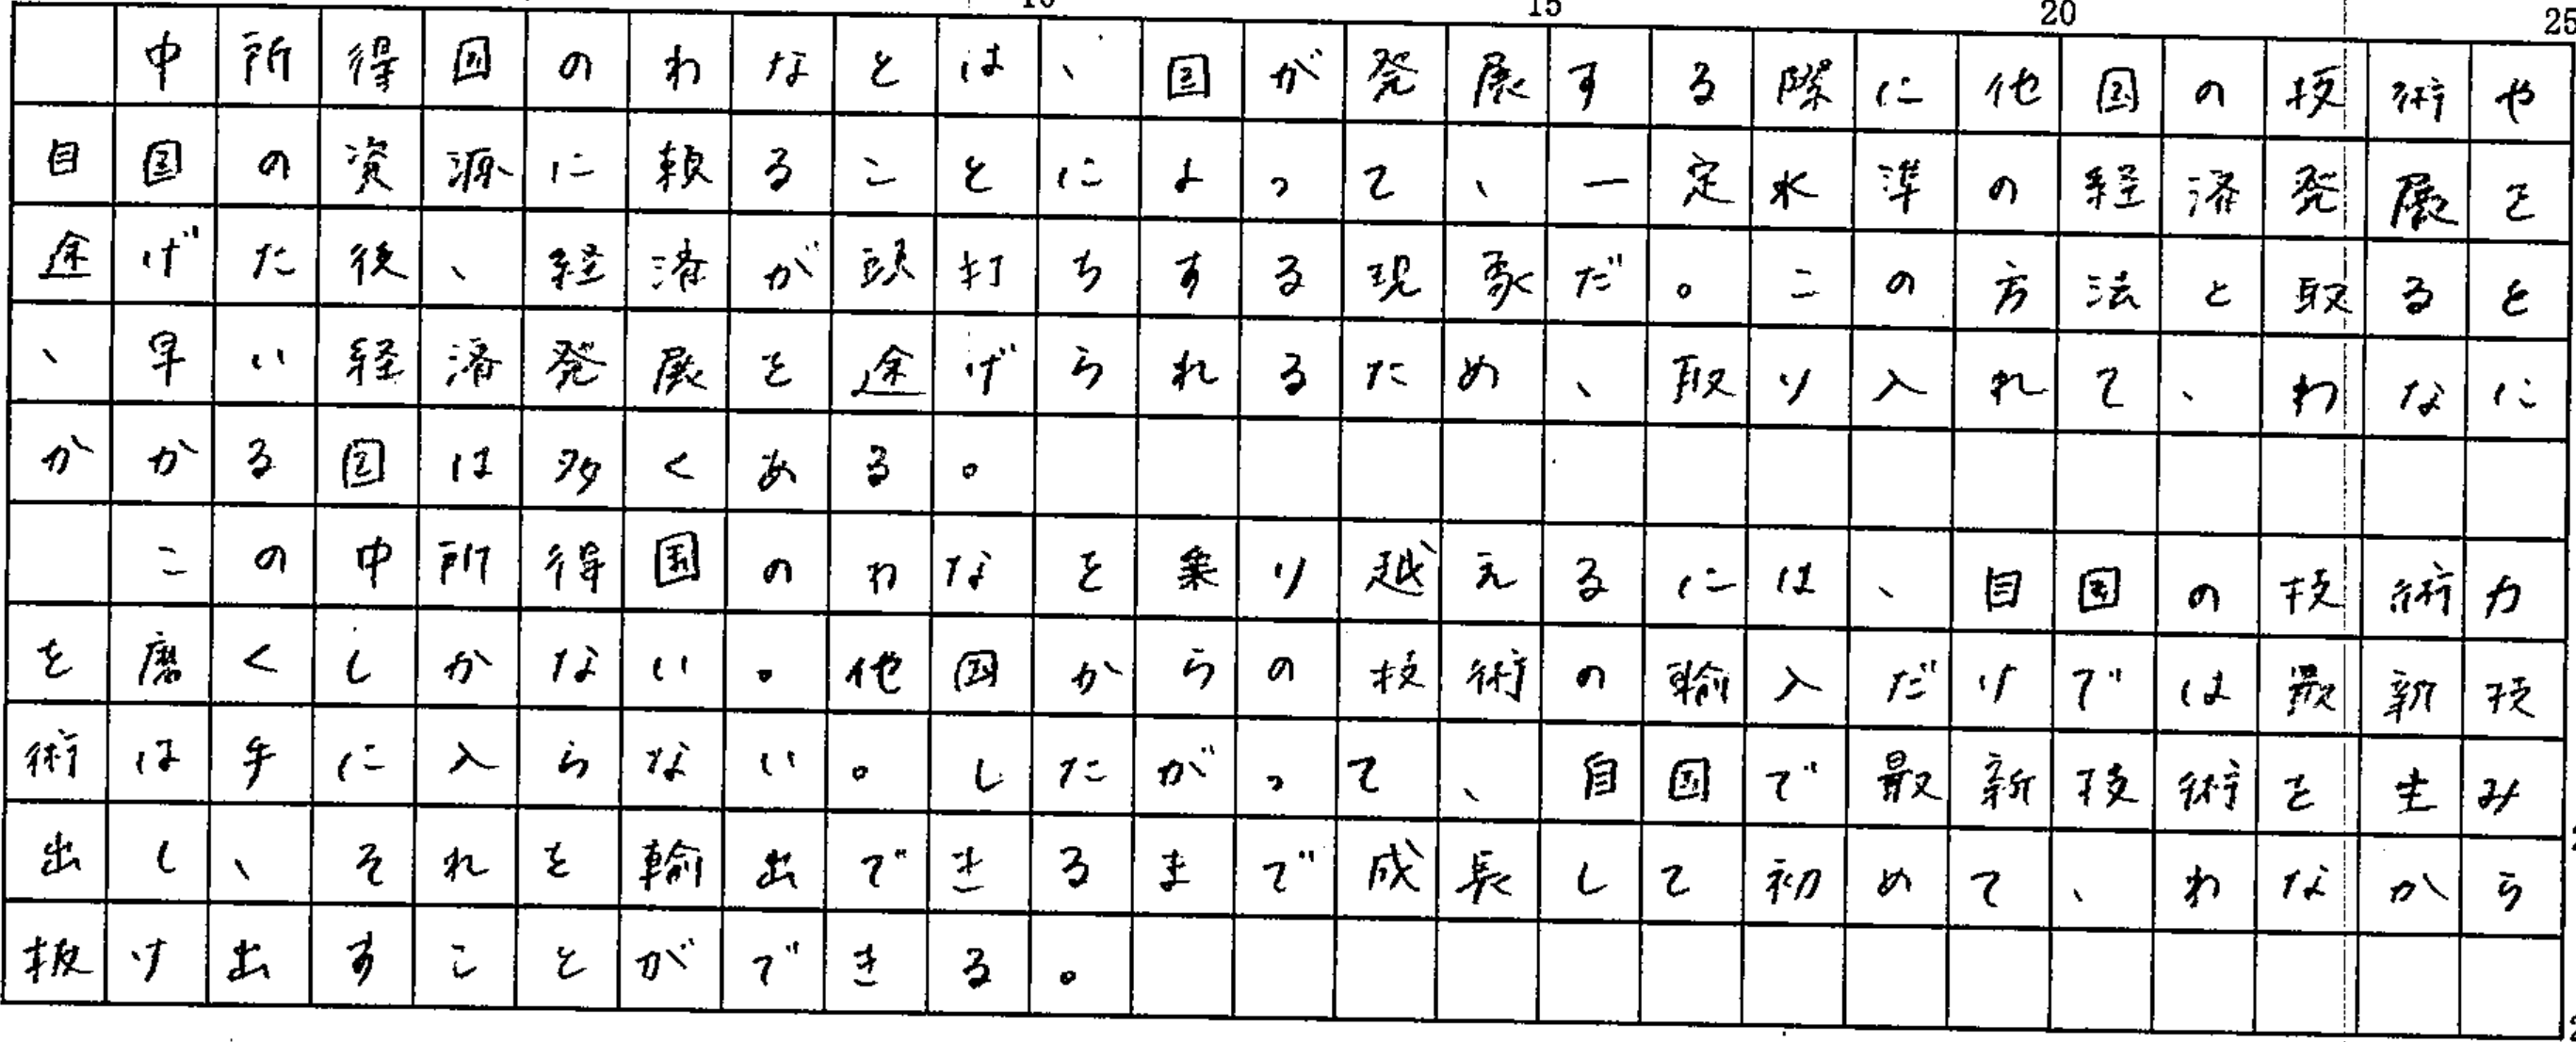　中所得国のわなとは、国が発展する際に他国の技術や自国の資源に頼ることによって、一定水準の経済発展を途げた後、経済が頭打ちする現象だ。この方法と取ると、早い経済発展を途げられるため、取り入れて、わなにかかる国は多くある。
　この中所得国のわなを乗り越えるには、自国の技術力を磨くしかない。他国からの技術の輸入だけでは最新技術は手に入らない。したがって、自国で最新技術を生み出し、それを輸出できるまで成長して初めて、わなから抜け出すことができる。
